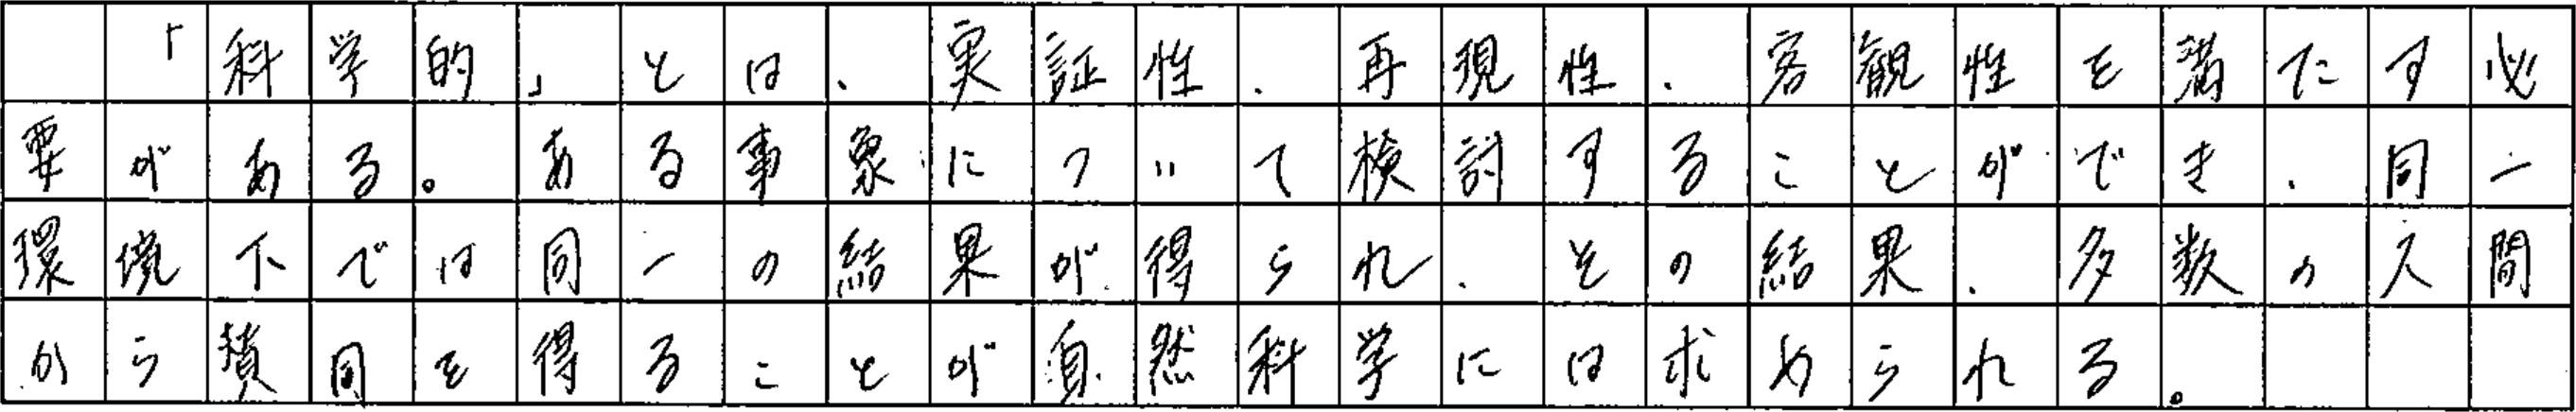　「科学的」とは、実証性、再現性、客観性を満たす必要がある。ある事象について検討することができ、同一環境下では同一の結果が得られ、その結果、多数の人間から賛同を得ることが自然科学には求められる。
